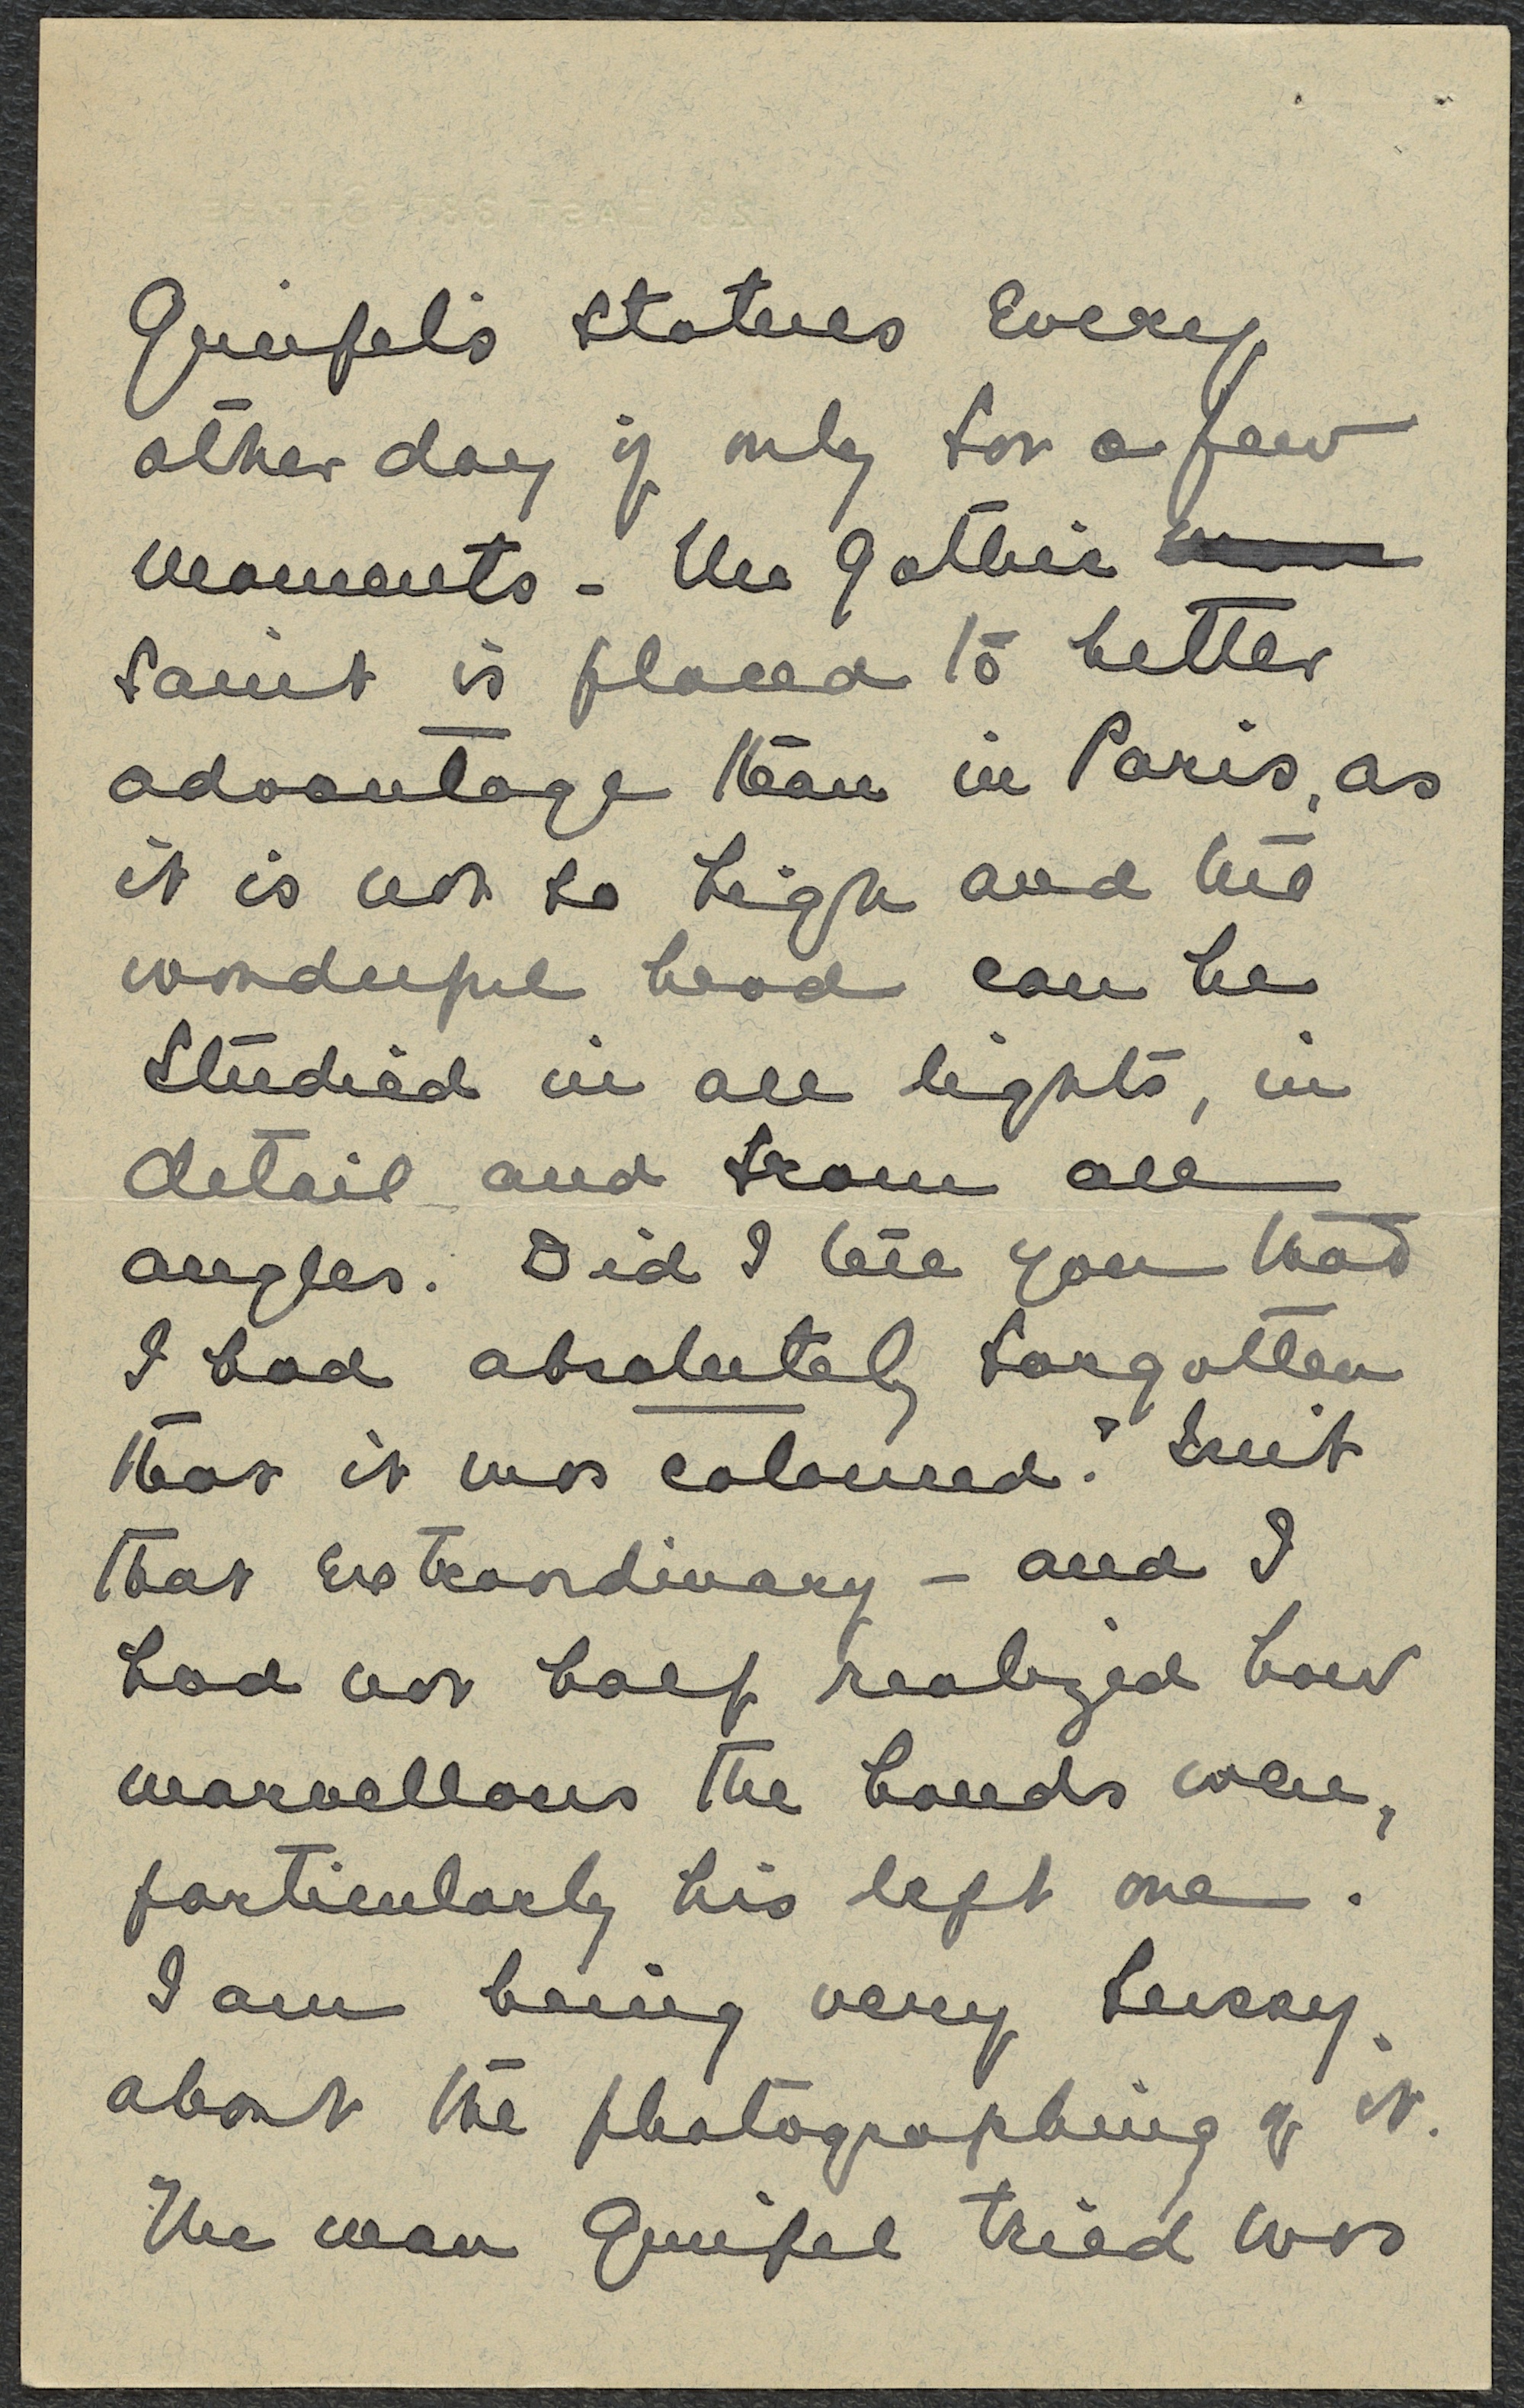Gimpel's statues every other day if only for a few moments – The Gothic [illegible deletion] saint is placed to better advantage than in Paris, as it is not so high and the wonderful head can be studied in all lights, in detail and from all angles. Did I tell you that I had absolutely forgotten that it was coloured? Isn't that extraordinary – and I had not half realized how marvellous the bands were, particularly his left one.
I am being very fussy about the photographing of it.
The man Gimpel tried was